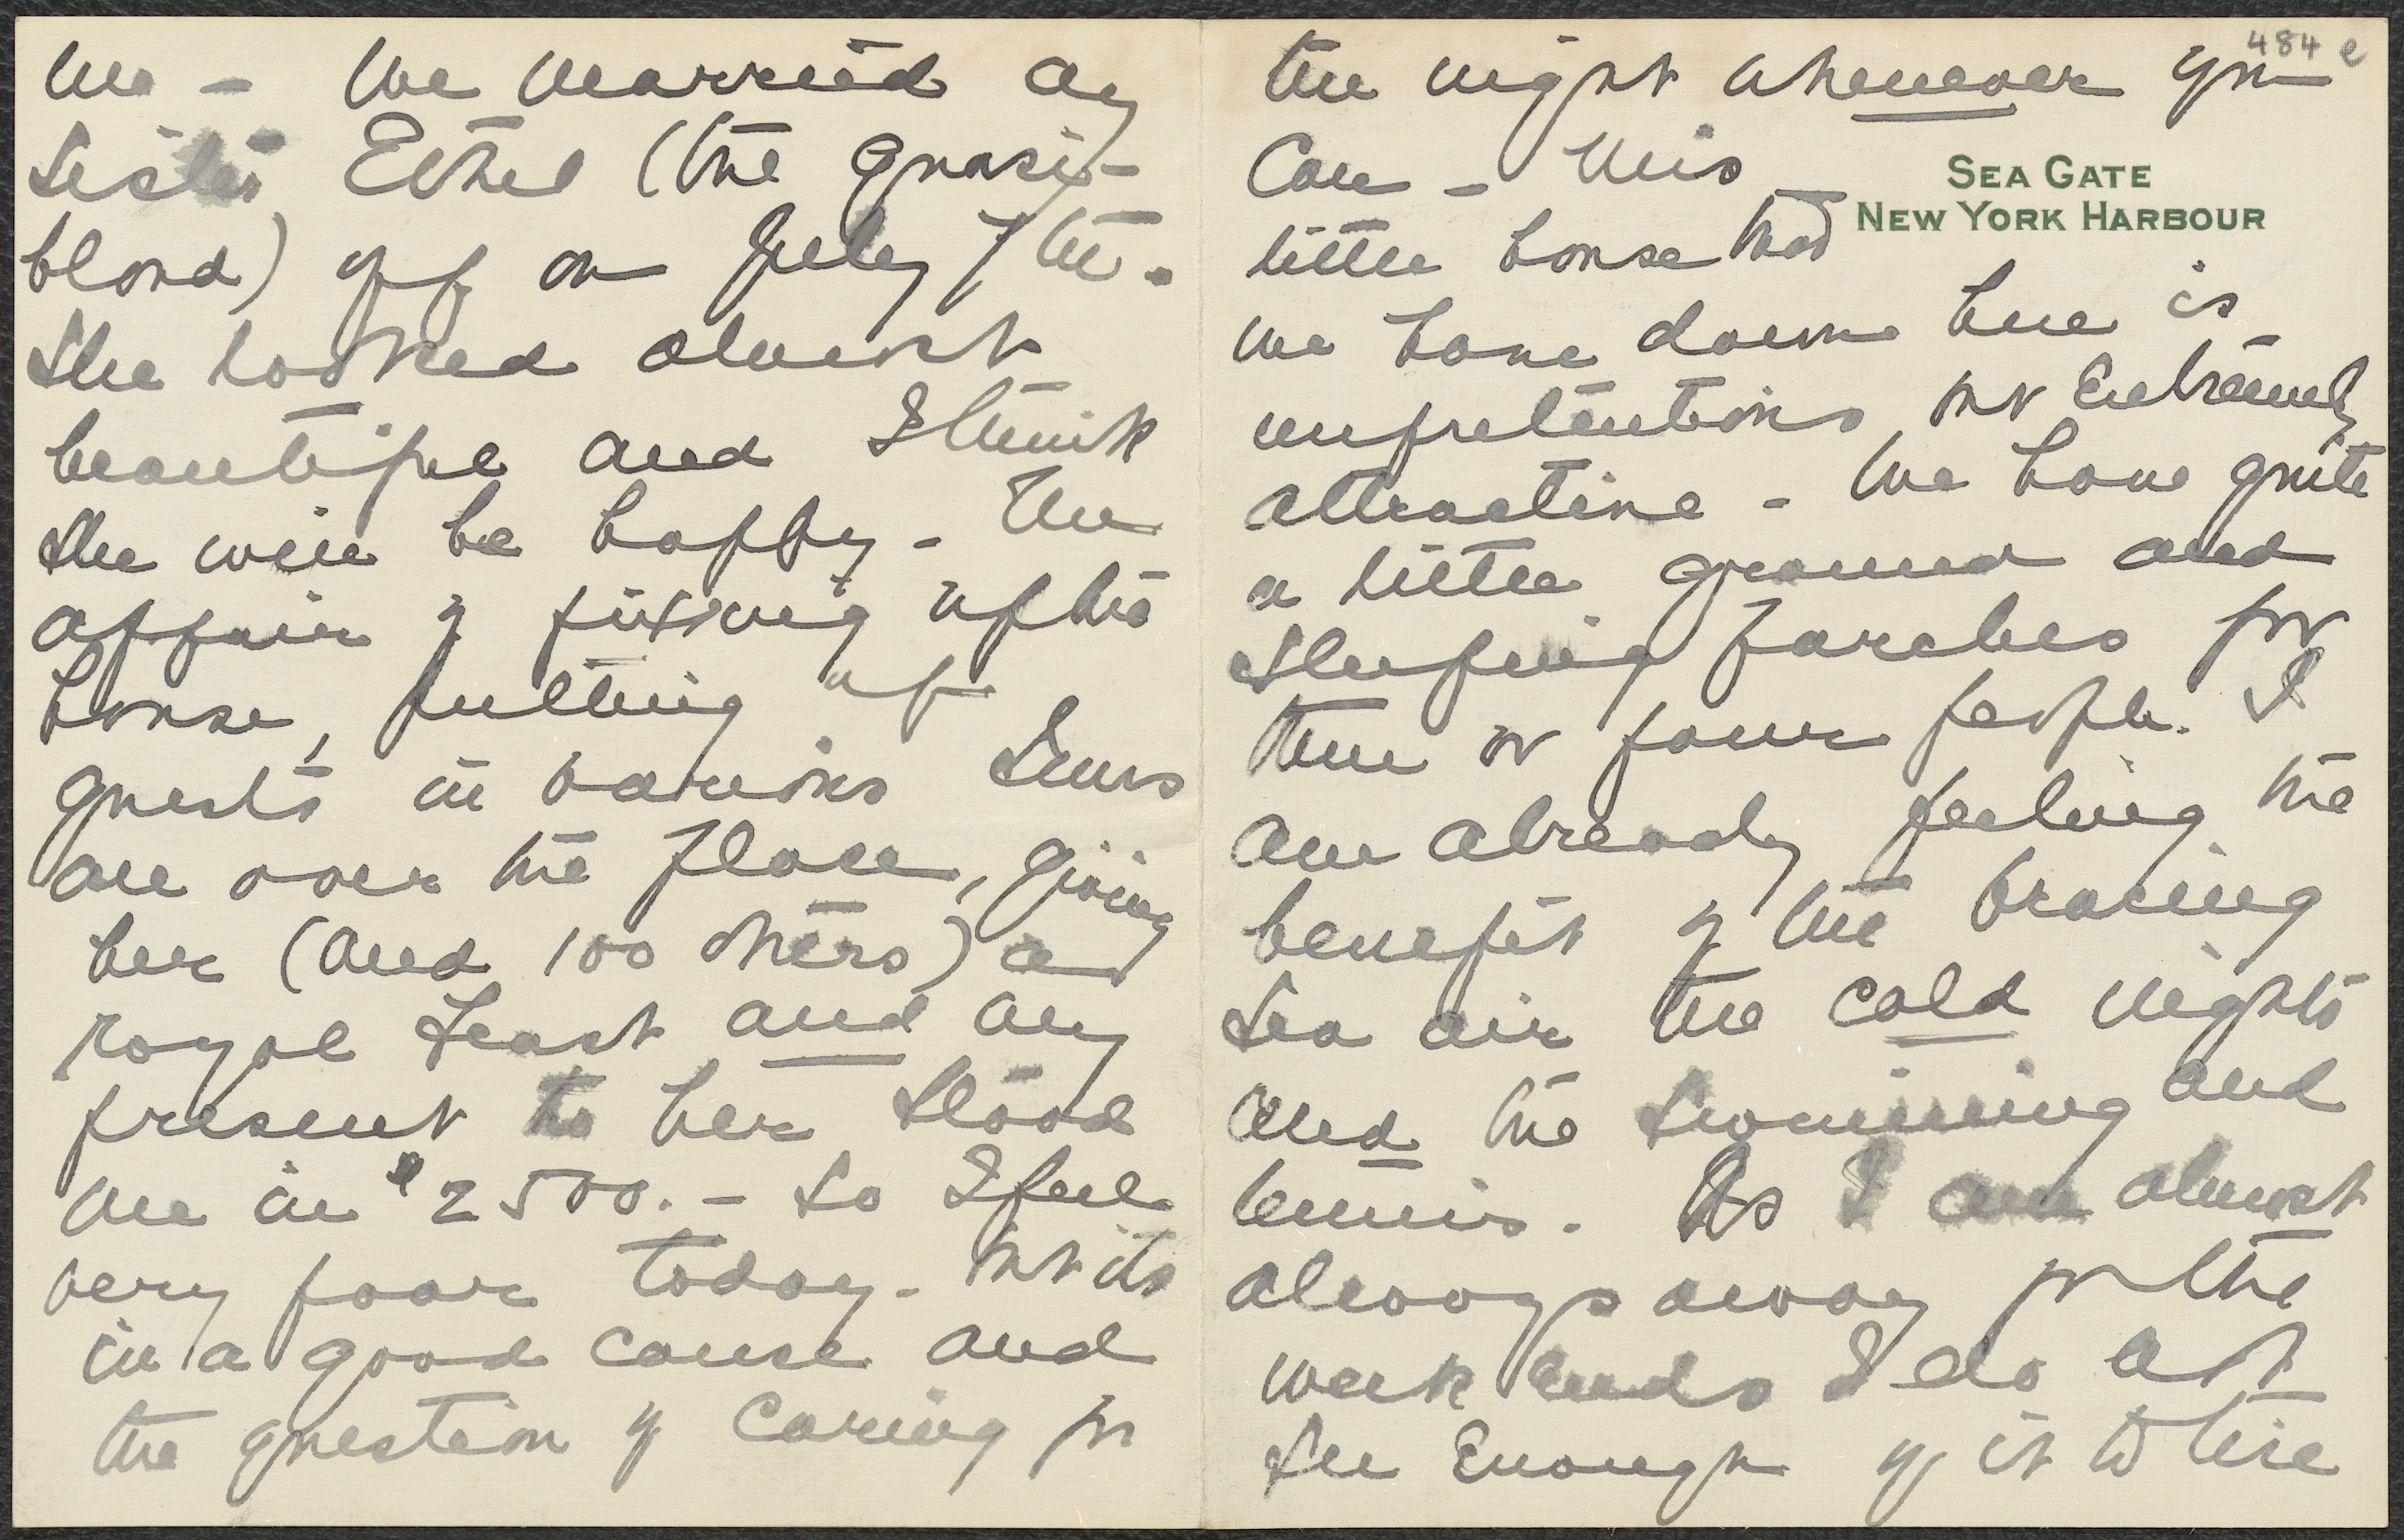the night whenever you care – this little house that we have down here is unpretentious but extremely attractive – We have quite a little ground and sleeping porches for three or four people. I am already feeling the benefit of the bracing sea air the cold nights and the swimming and tennis. As I am almost always away for the week ends [sic] I do not see enough of it to tire
me – we married my sister Ethel (the quasi-blond) off on July 7th – she looked almost beautiful and I think she will be happy – The affair of fixing up the house, putting up guests in various Inns all over the place, giving her (and 100 others) a royal feast and my present to her stood me in $2500. – so I feel very poor today – but its in a good cause and the question of caring for